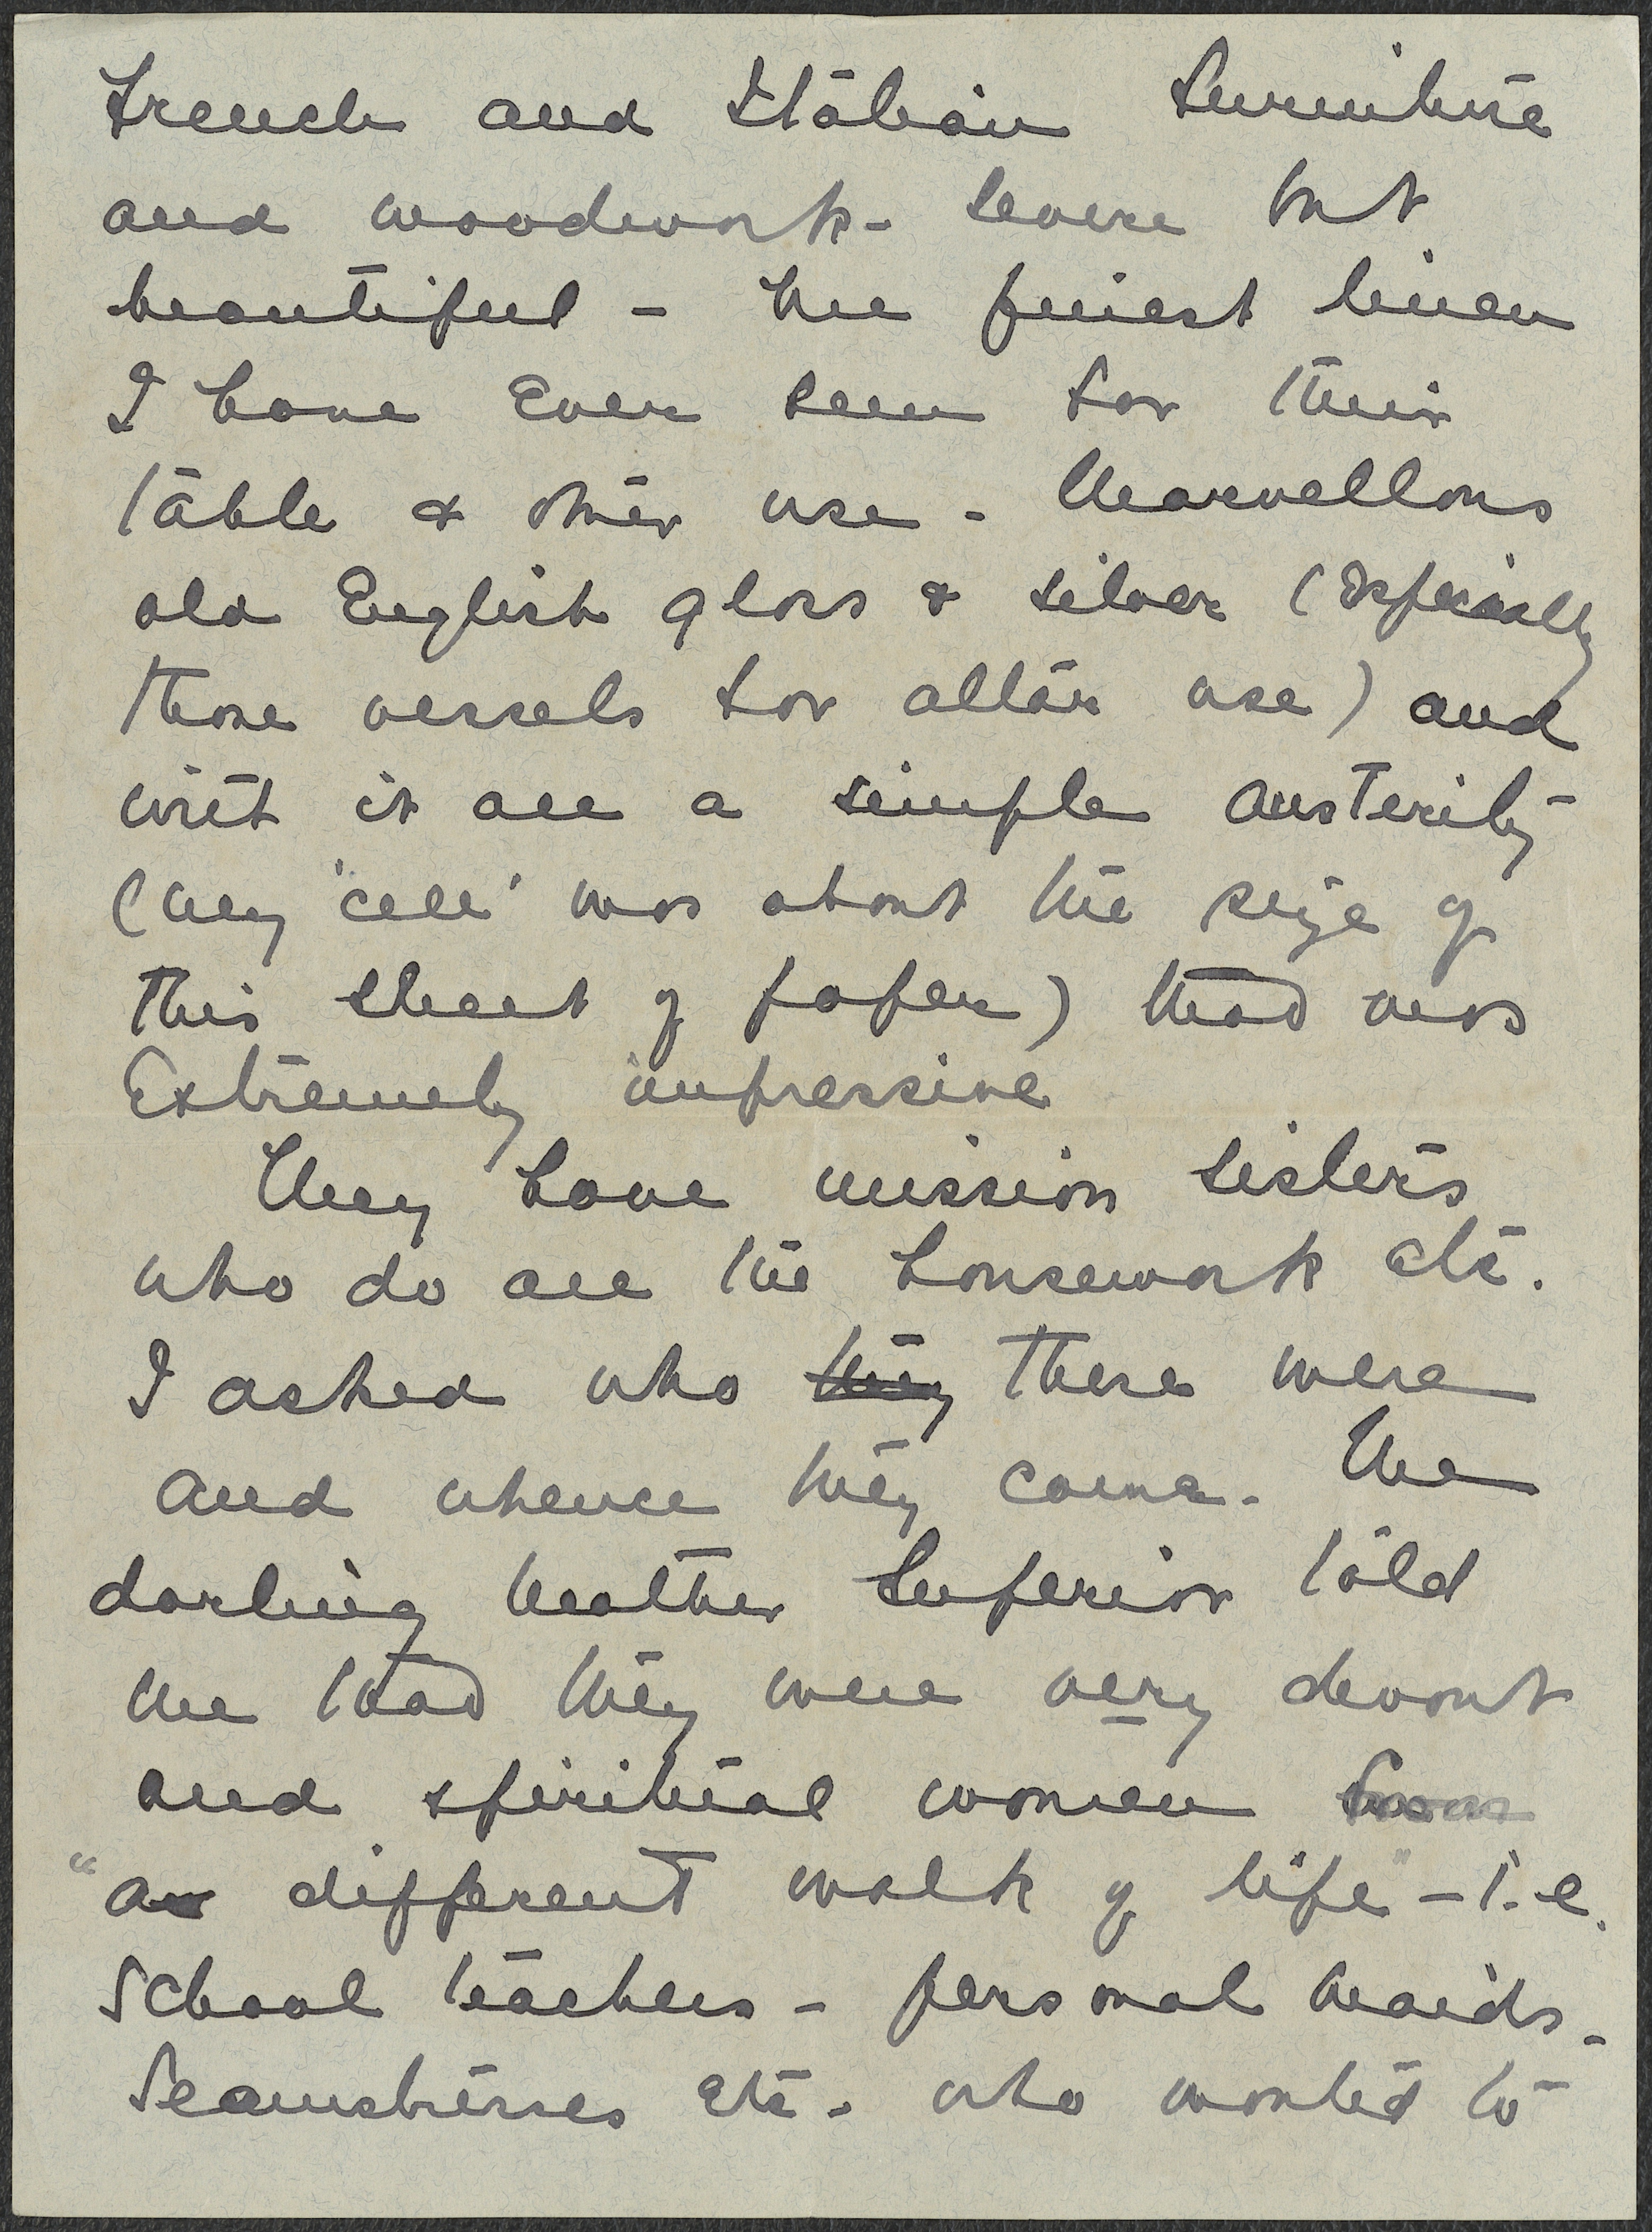French and Italian furniture and woodwork – severe but beautiful – the finest linen I have ever seen for their table & other use – Marvellous old English glass & silver (especially those vessels for altar use) and with it all a simply austerity (my ‘cell’ was about the size of this sheet of paper) that was extremely impressive
They have mission sisters who do all the housework etc. I asked who they these were and whence they came. The darling Mother Superior told me that they were very devout and spiritual women from “as different walk of life” – i.e. school teachers – personal maids – seamstresses etc – who wanted to